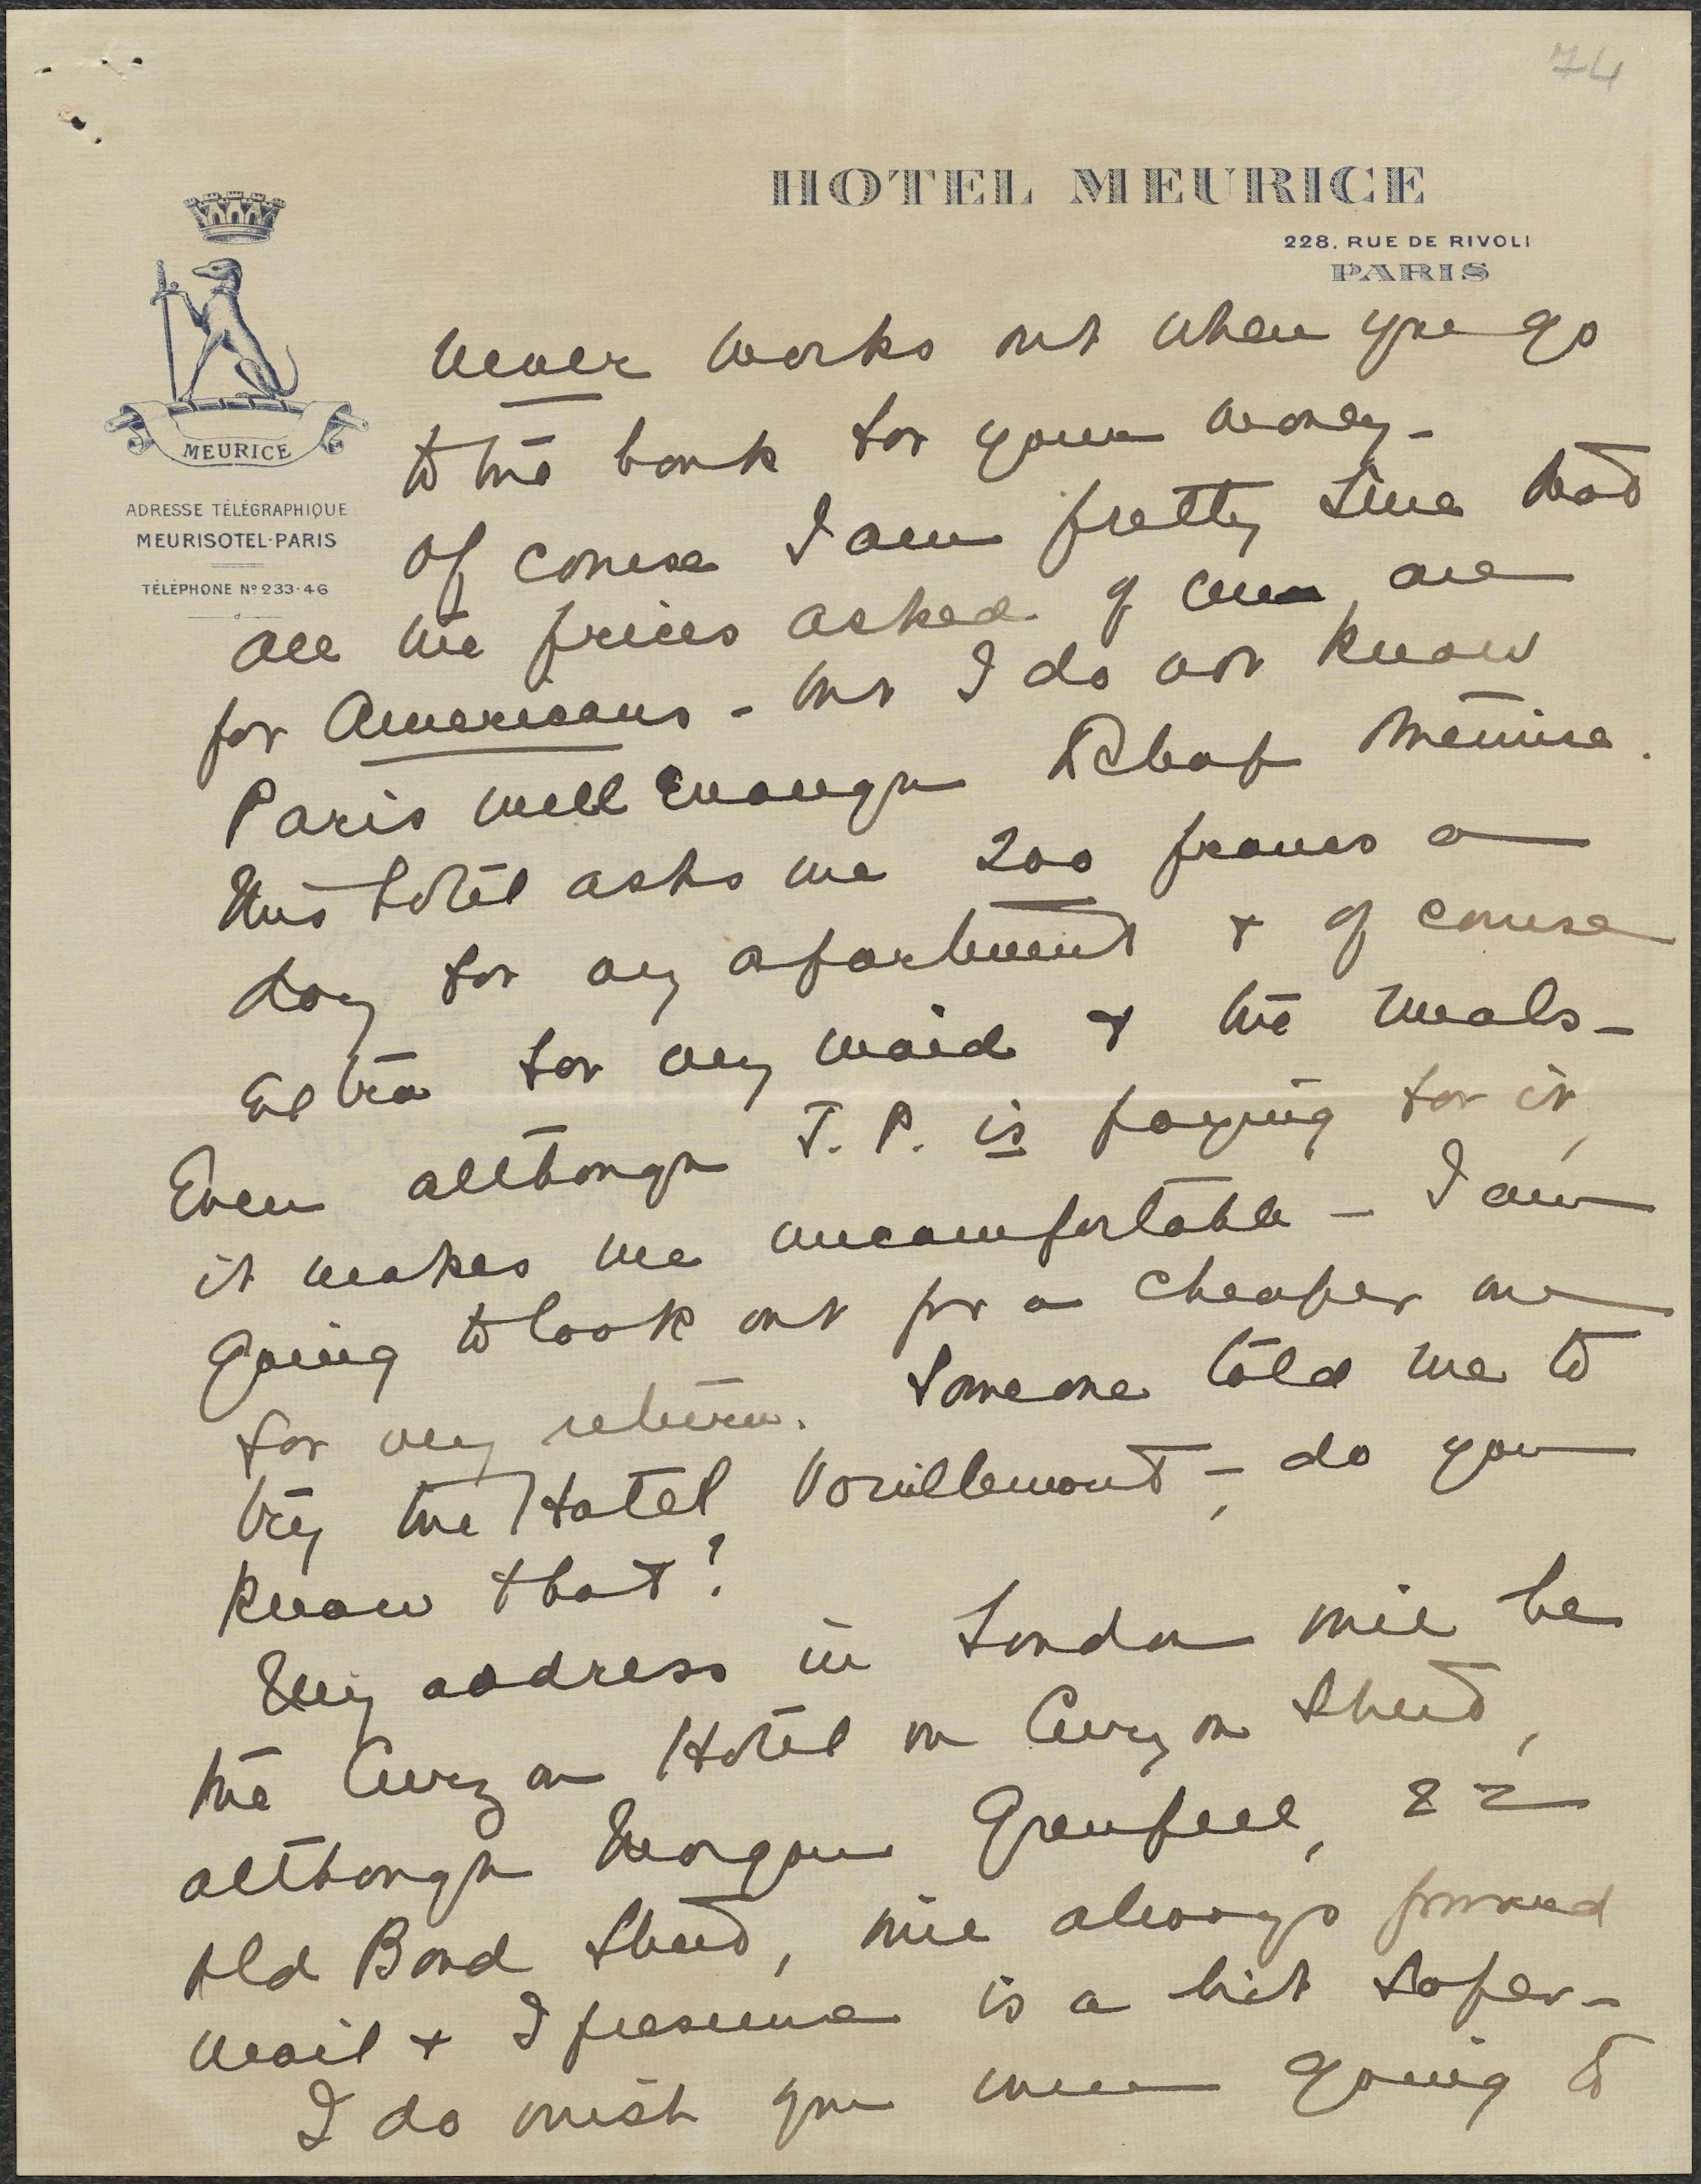never works out when you go to the bank for your money –
Of course I am pretty sure that all the prices asked of me are for Americans – but I do not know Paris well enough to shop otherwise. This hotel asks me 200 francs a day for my apartment & of course extra for any maid & the meals – Even although J.P. is paying for it, it makes me uncomfortable – I am going to look out for a cheaper one for my return. Someone told me to try the Hotel Vouillemont – do you know that?
My address in London will be the Curzon Hotel on Curzon Street, although Morgan Grenfell, 82 Old Bond Street, will always forward mail & I presume is a bit safer –
I do wish you were going to